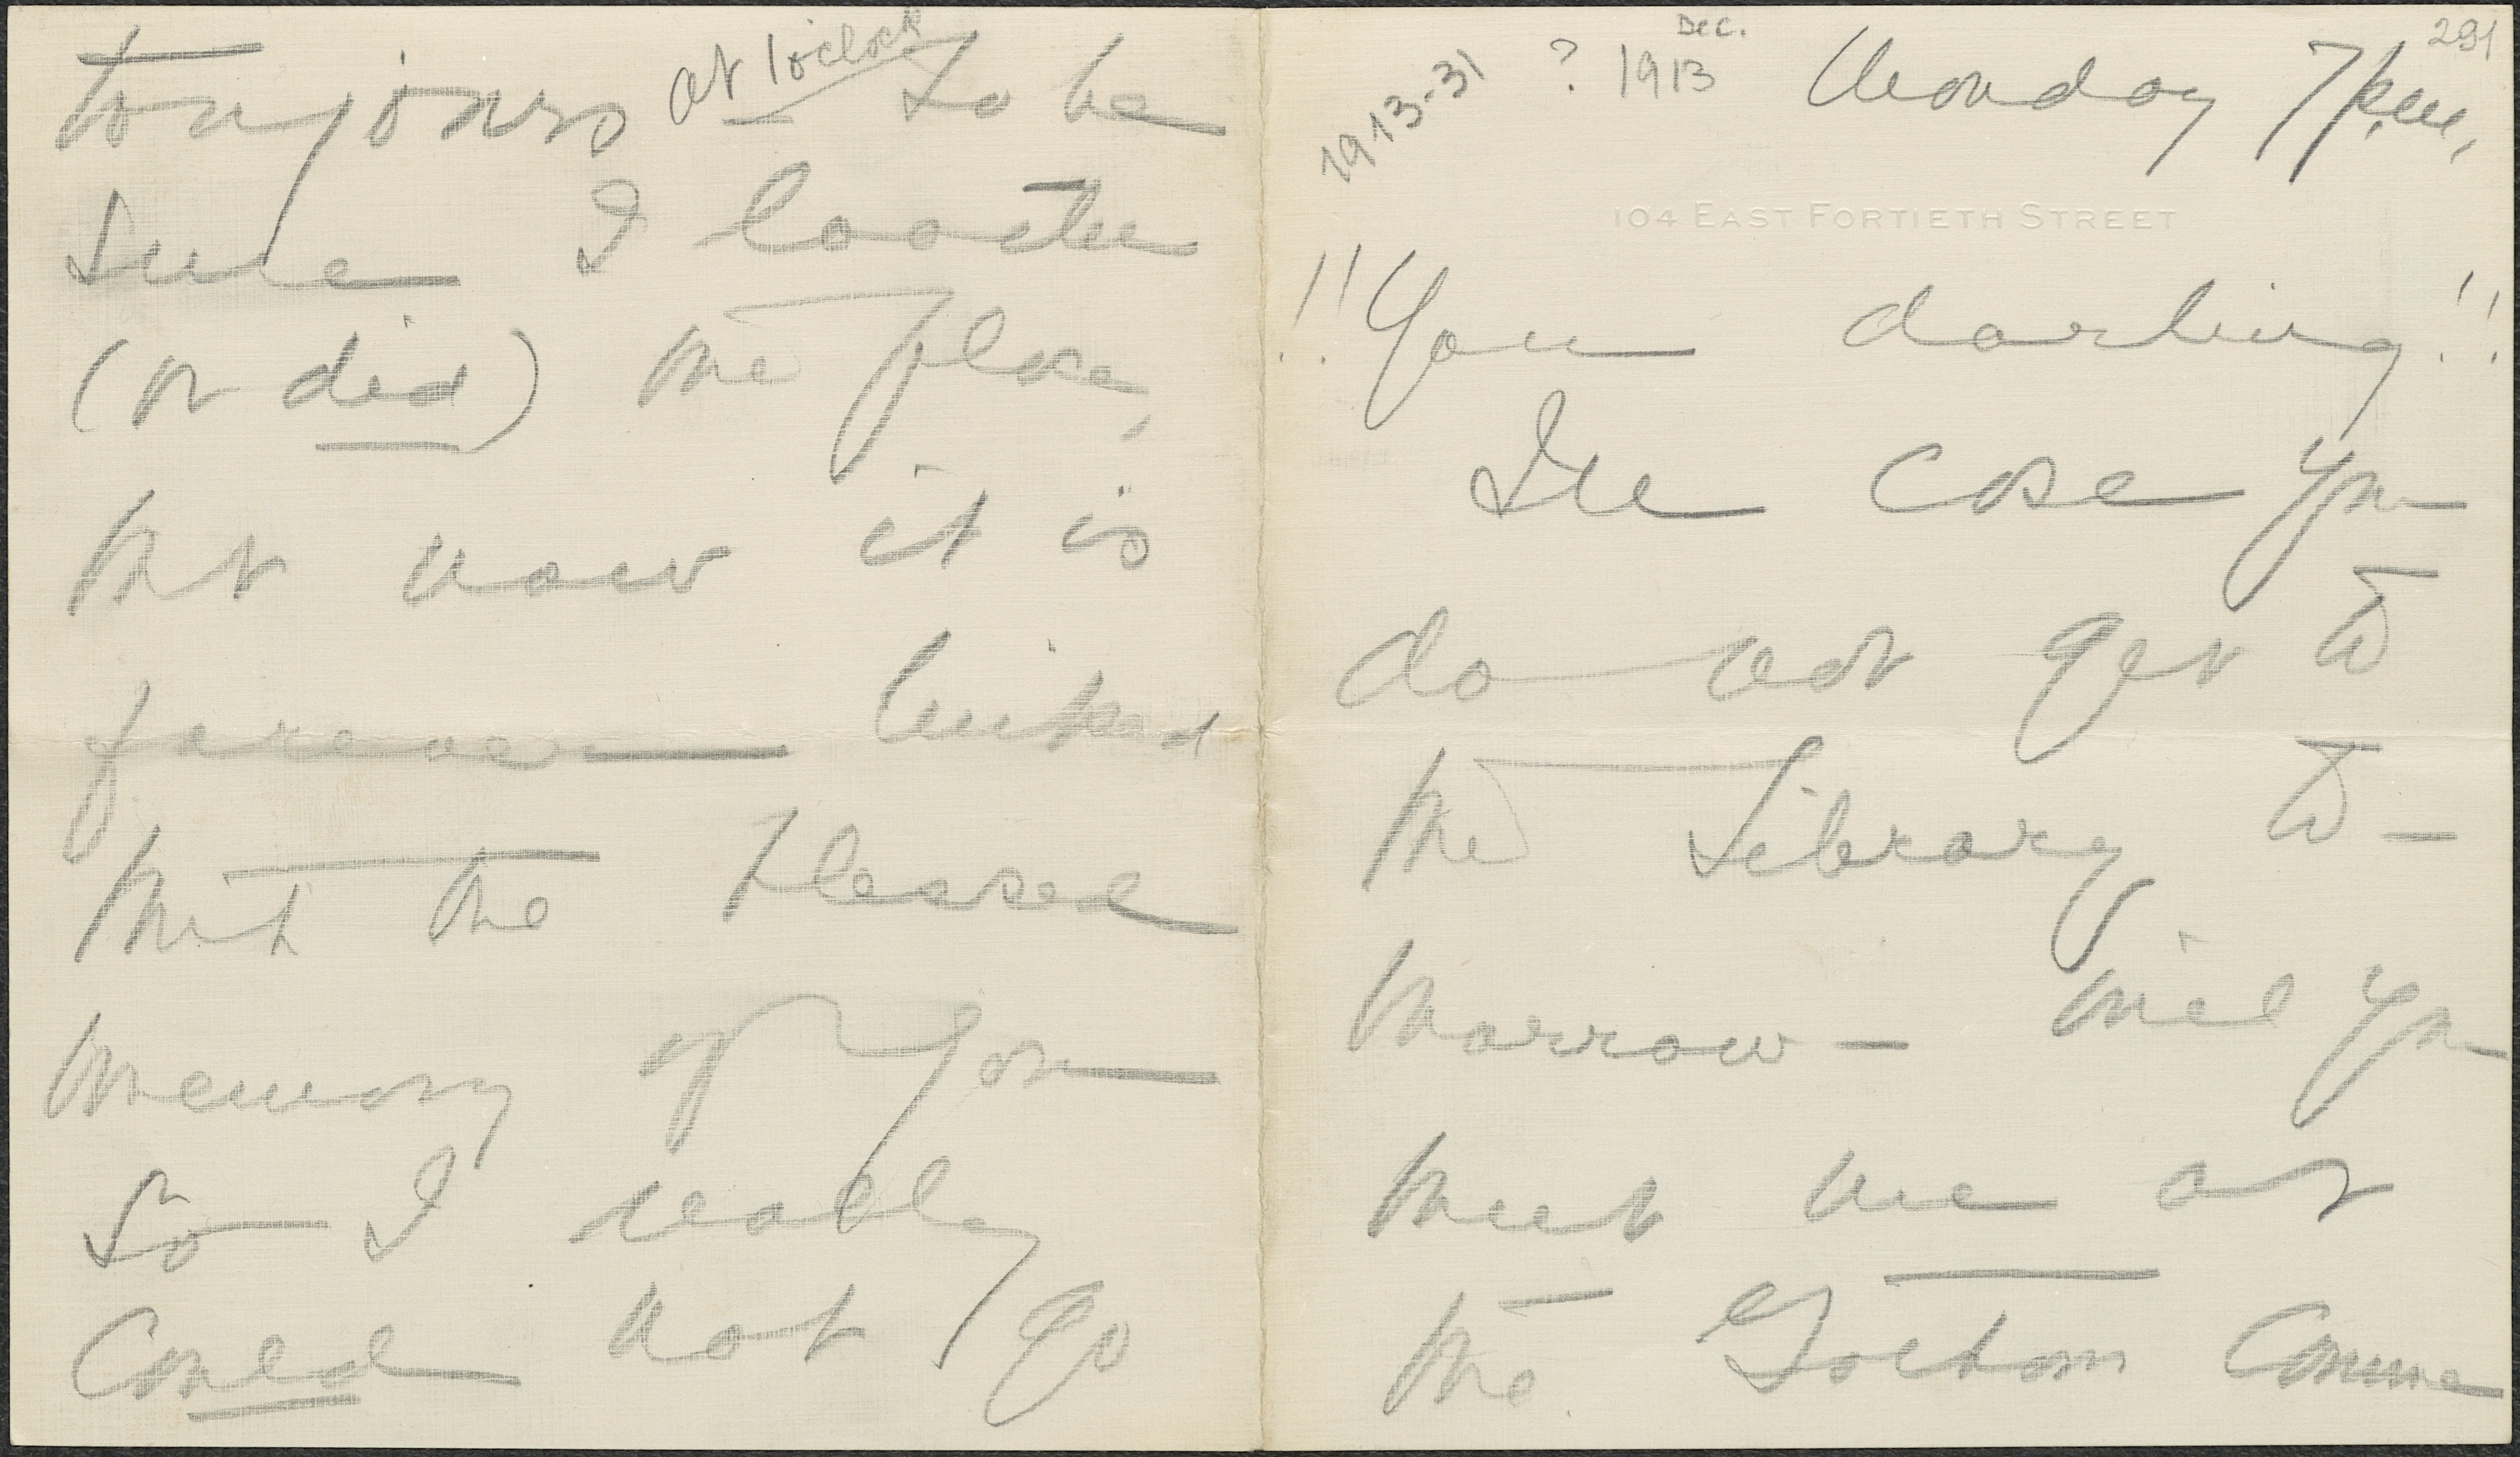Monday 7 p.m.
!! You darling!!
In case you do not get to the Library tomorrow – will you meet me at the Gotham comme
toujours [^at 1 o’clock^] to be sure I loathe (or did) the place, but now it is forever linked with the blessed memory of you so I really could not go